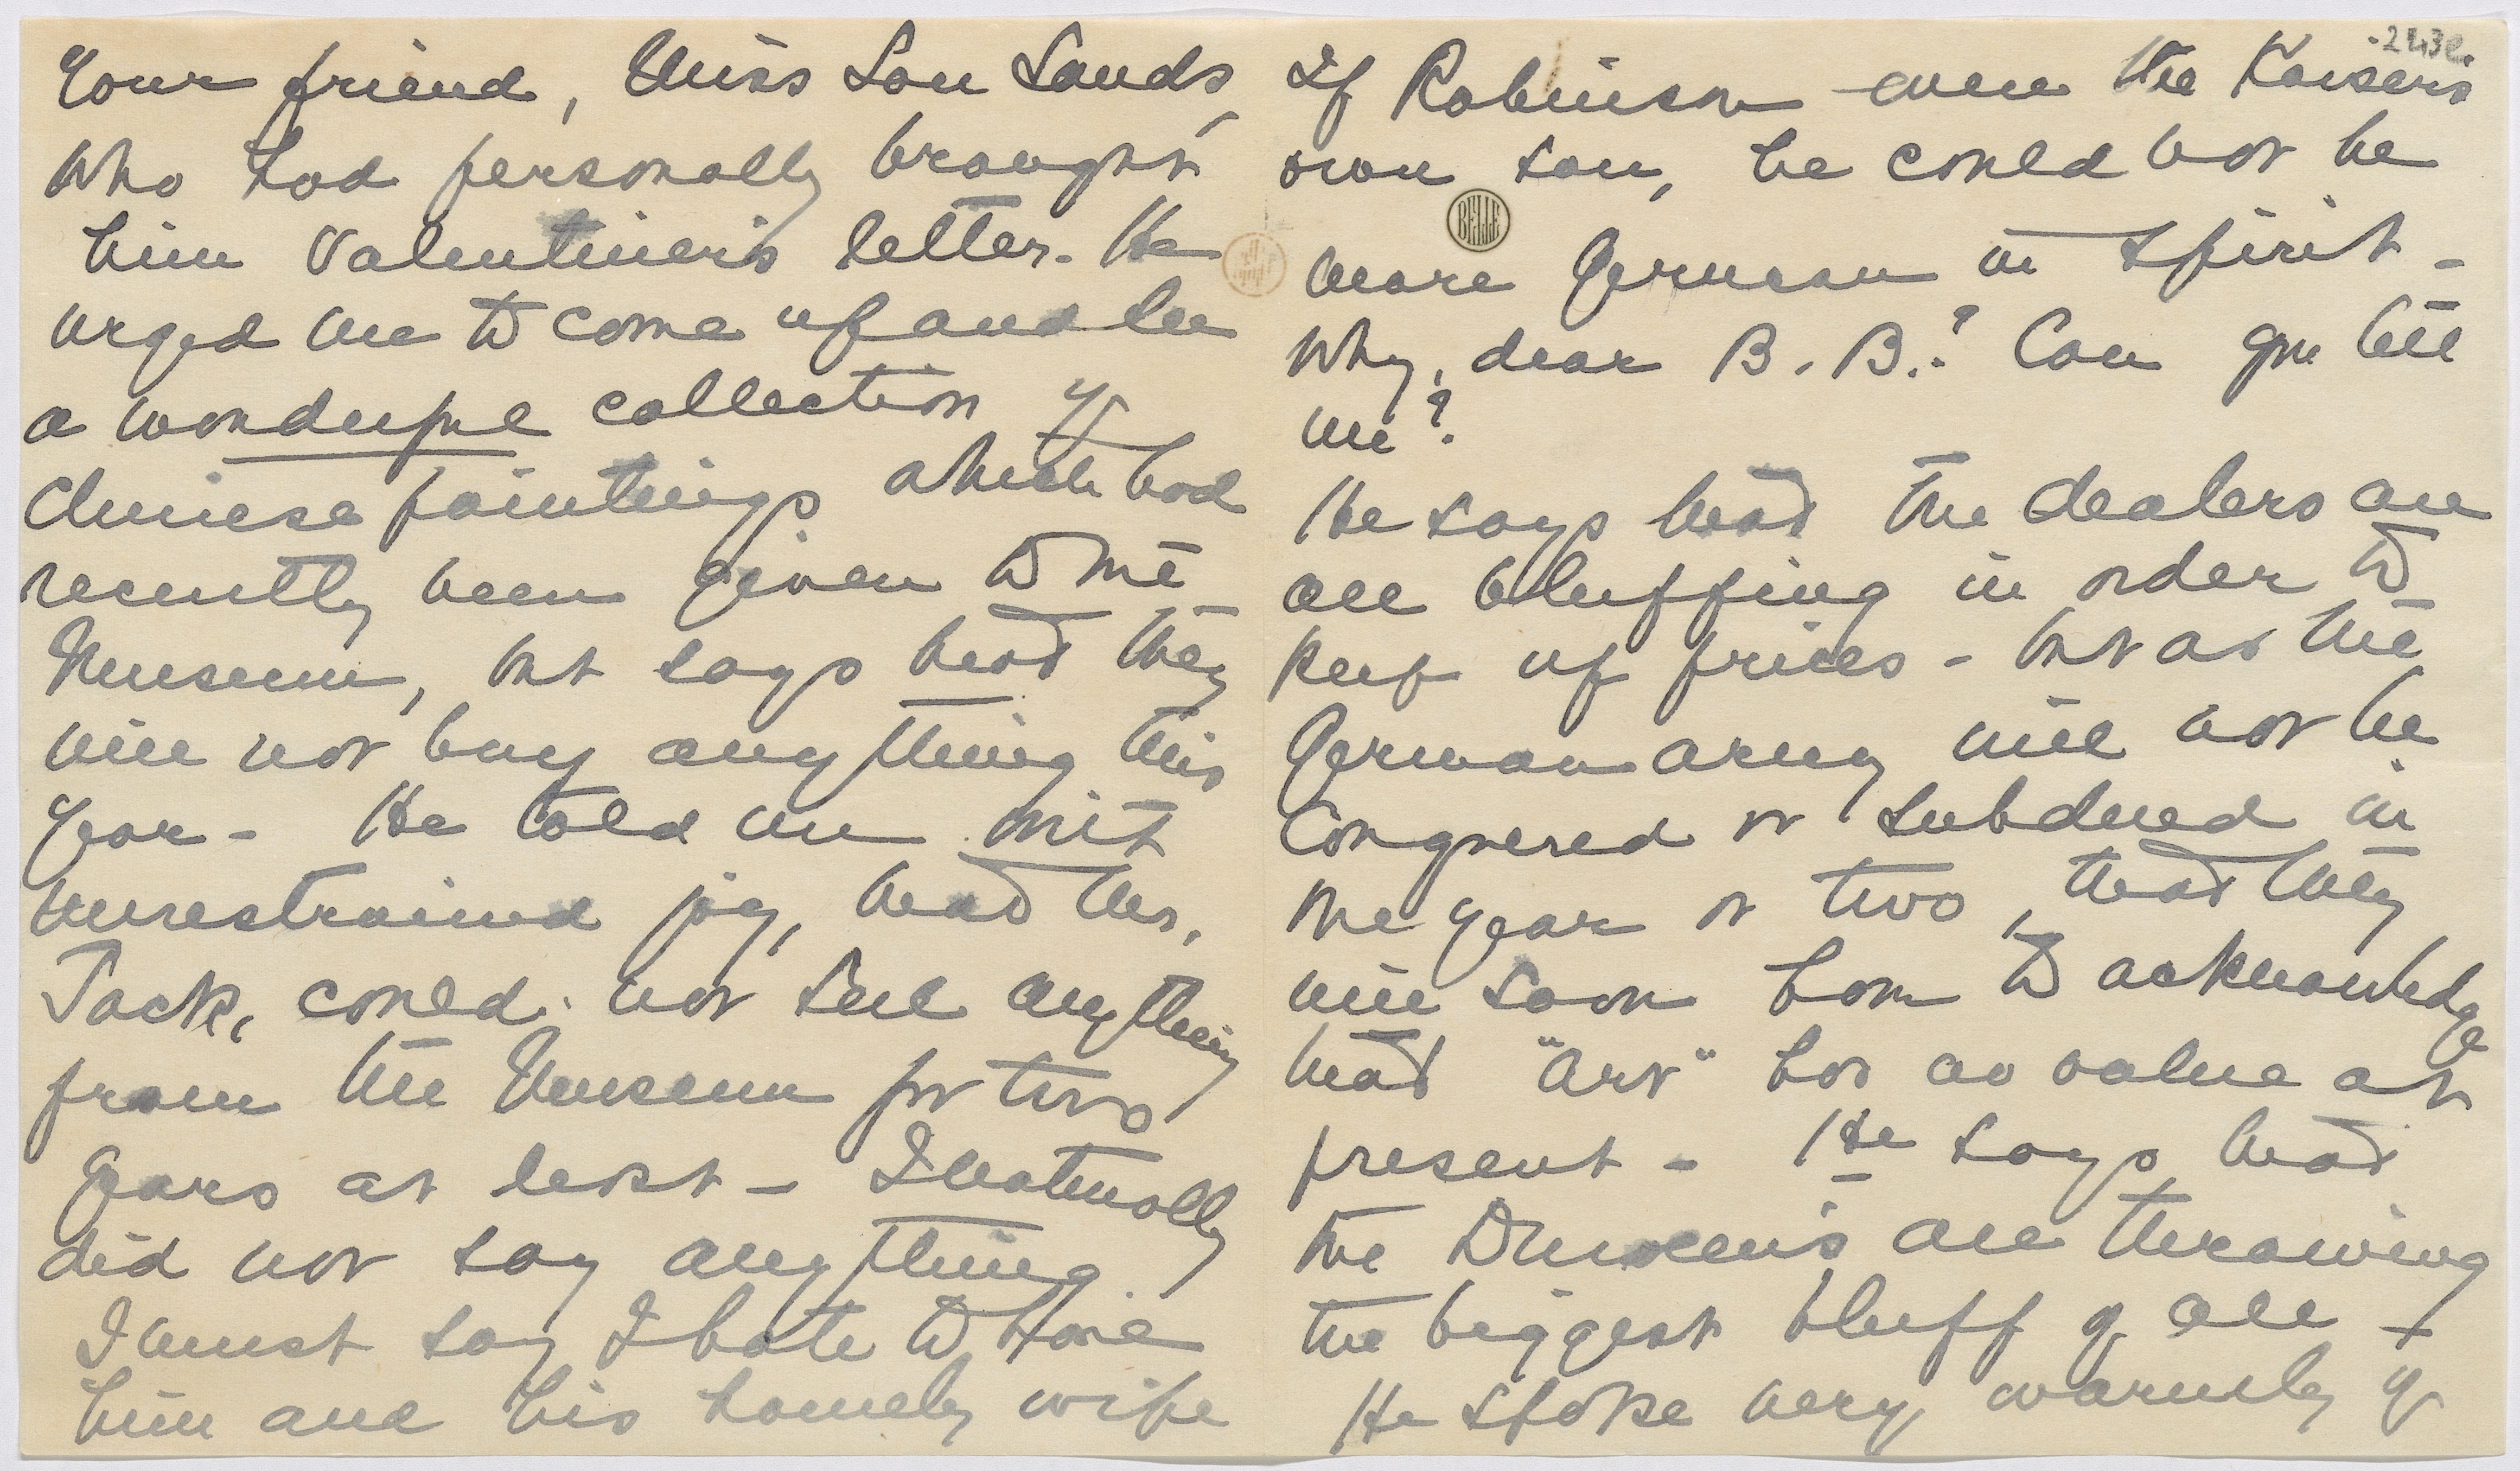If Robinson were the Kaiser’s own son, he could not be more German in spirit – Why dear B.B.? Can you tell me?
He says that the dealers are all bluffing in order to keep up prices – but as the German army will not be conquered or subdued in one year or two, that they will soon have to acknowledge that “art” has no value at present – He says that the Duveen’s are throwing the biggest bluff of all – He spoke very warmly of
your friend Miss Lou Sands, who had personally brought him Valentiner’s letter. He urged me to come up and see a wonderful collection of Chinese paintings which had recently been given to the museum, but says that they will not buy anything this year – He told me with unrestrained joy, that Mr. Jack, could not sell anything from the museum for two years at least – I naturally did not say anything. I must say I hate to have him and him homely wife